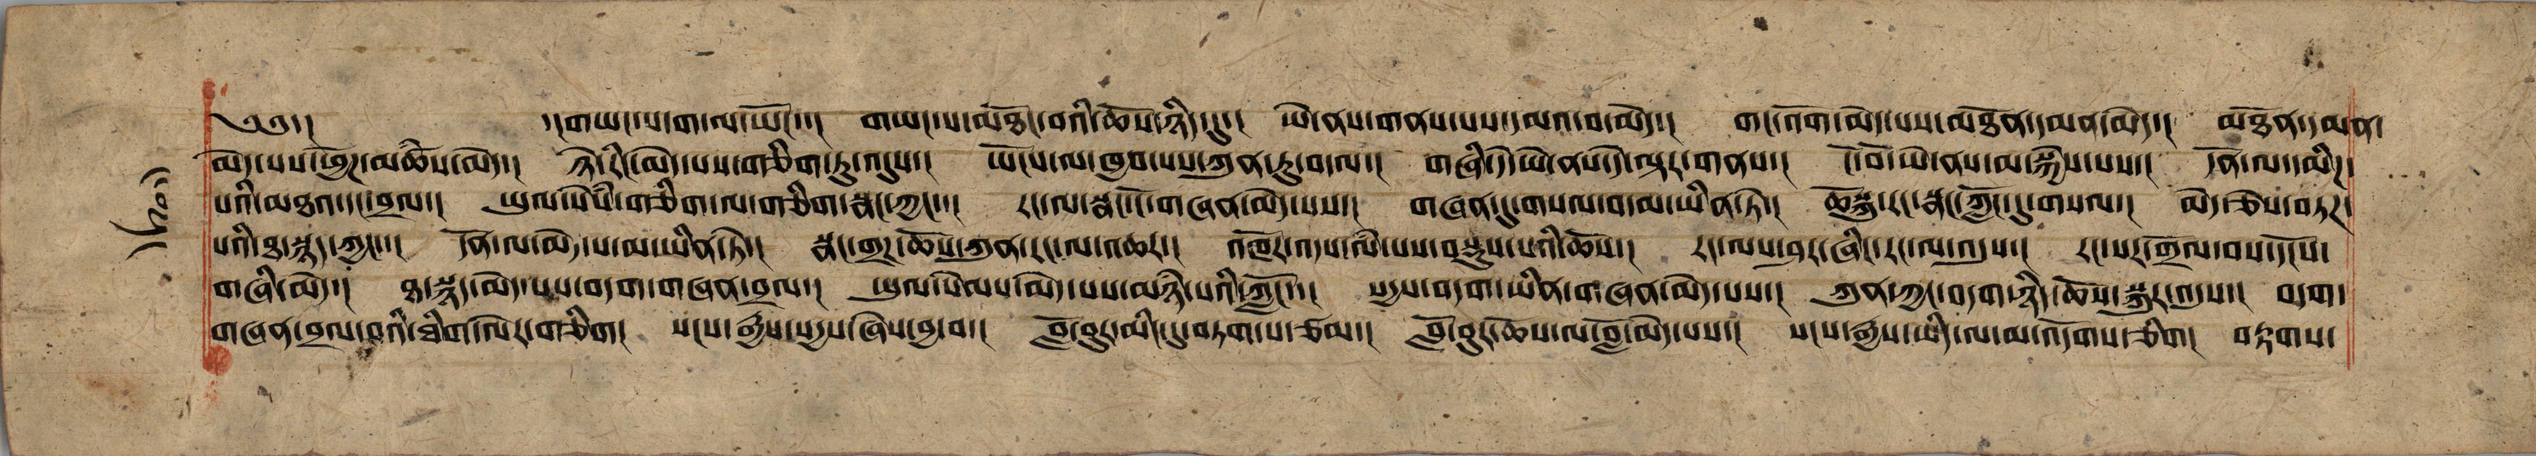༄༅་། ་།གཡང་ས་ག་ལ་ཡོང་་། གཡང་ས་མཐོང་བའི་ཆོས་ཉིད་དུ་། ཡེ་ནས་གནས་པས་དམའ་བ་མེད་། གང་འོག་མེད་པས་མཐོན་དམན་མེད་། མཐོན་དམན་
མེད་པས་ཕྱོཌ་མཚཾས་མེད་། ཉེ་རིང་མེད་པས་གཅིག་ཏུ་འདུས་། ཡོངས་ལ་ཁྱབ་པས་ཀུན་ཏུ་བདལ་། གཞི་དེ་ཡེ་ནས་དེ་ལྟར་གནས་། ངོ་བོ་ཡེ་ནས་མ་སྐྱེས་པས་། དོན་ལ་དམིཌ་
པའི་མཐའ་དང་བྲལ་། ཡུལ་སེཾས་གཅིག་ལ་གཅིག་སྣང་ཀྱང་་། རང་ལ་སྣང་ངོ་གཞན་མཻད་པས་། གཞན་དུ་གསལ་བ་མ་ཡིན་ཏེ་། ཆོསྐུ་རང་སྣང་ཀློང་དུ་གསལ་། མེད་ཅེས་བཏཌ་
པའི་ཐ་སྙད་ཀྱང་་། དོན་ལ་མེད་པ་མ་ཡིན་ཏེ་། སྣང་གྲཌ་ཆོས་ཀུན་རང་ལ་འཆར་། འཁོར་འདས་ལཾ་པས་བསྡུས་པའི་ཆོས་། རང་ལས་ཤར་ཞིང་་རང་ལ་འདུས་། རང་སར་གྲོལ་བས་དངོས་
གཞི་མེད་། ཐ་སྙད་མེད་པས་བདག་གཞན་བྲལ་། ཡུལ་སེམས་མེད་པས་མཉཾ་པའི་ཀློང་་། སདྱས་བདག་ཡིན་གཞན་མེད་པས་། ཀུན་ཀྱང་བདག་ཉིད་ཆོས་སྐུར་འདུས་། བདག་
གཞནབྲལ་བའི་ཐིག་ལེར་གཅིག། སངས་རྒྱས་སདྱས་ཞེས་བྱ་བ་། བློ་བུར་མིང་དུ་བཏགས་པ་ཙམ་། བློ་བུར་ཆོས་ལ་བློ་མེད་པས་། སངས་རྒྱས་ཡིད་ལ་མ་འདོགས་ཅིགང བརྟགས་